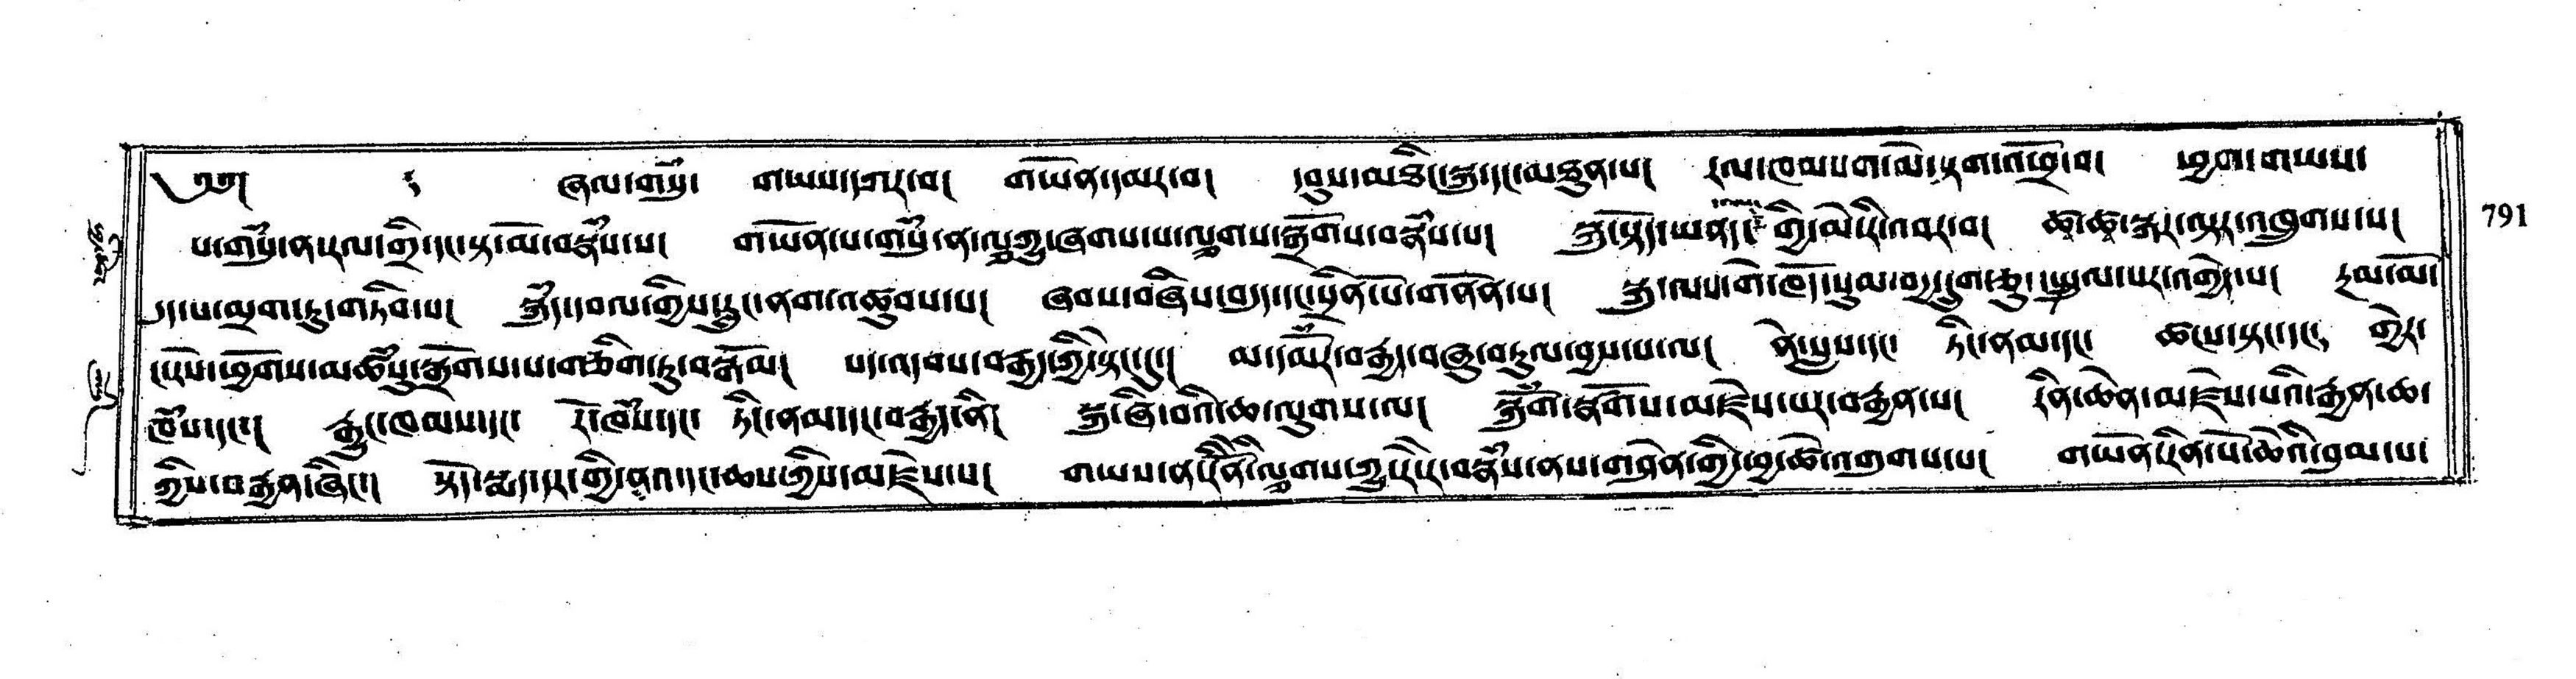ཞལ་གསུམ། གཡས་དཀར་བ། གཡོན་དམར་བ། དབུས་མཐིང་སྐུ་དང་མཐུན་པ། རལ་པ་ཁམས་ནག་མེ་སྟག་འཕྲོ་བ། ཕྱག་གཡས་
པ་གསུམ་རལ་གྲི་དང་སྟ་མོ་བསྣམས་པ། གཡོན་པ་གསུམ་ན་ལྕག་ཀྱུ་ཞགས་པ་ལྕགས་སྒྲོགས་བསྣམས་པ། སྐུ་སྟོད་ཡན་ཆད་དབལ་གྱི་མེ་རི་འབར་བ། ཚྭ་ཚྭ་སྐར་ལྟར་འཁྲུགས་པ། 
དུད་པ་སྨྲག་ཏུ་གཏིབ་པ། སྐུ་སྨད་དབལ་གྱིས་རླུང་ནག་འཚུབས་པ། ཞབས་བཞིས་བདུད་དང་སྲིན་པོ་གནོན་པ། སྐུ་ལས་གེ་ཁོད་སུམ་བརྒྱ་དྲུག་ཅུ་སྤྲུལ་པར་འགྱེད་པ། རྔམ་པའི་
ང་རོས་ཕྱོགས་མཚམས་སུ་སྒྲོགས་པ་གཅིག་ཏུ་བསྒོམ། པད་འདབ་བརྒྱད་ཀྱི་སྟེང་དུ། མ་དམར་མོ་བརྒྱད་བཞུ་བཏུལ་བྱས་པ་ལ། ནེ་སླས་དང་ཏིང་ནམ་དང་ཚངས་སྟང་དང་གྱེར་
ཁམས་དང་། རྒྱུང་ཁམས་དང་རོ་ཁམས་དང་ཏིང་ནམ་དང་བརྒྱད་ནི། སྐུ་ཞི་བའི་ཆ་ལུགས་ལ། སྐུ་མདོག་སྣ་ཚོགས་མཛེས་པར་བརྒྱན་པ། རིན་ཆེན་མཛེས་པའི་རྒྱན་ཆས་
ཀྱིས་བརྒྱན་ཞིང་། སྟོད་སྨད་དར་གྱི་ན་བཟའ་དང་ཆས་ཀྱིས་མཛེས་པ། གཡས་ན་རིན་པོ་ཆེའི་ལྕགས་ཀྱུ་རེ་རེ་བསྣམས་ནས་གཤེན་གྱི་ཕྱ་ཚེ་འགུགས་པ། གཡོན་རིན་པོ་ཆེའི་བུམ་པ་